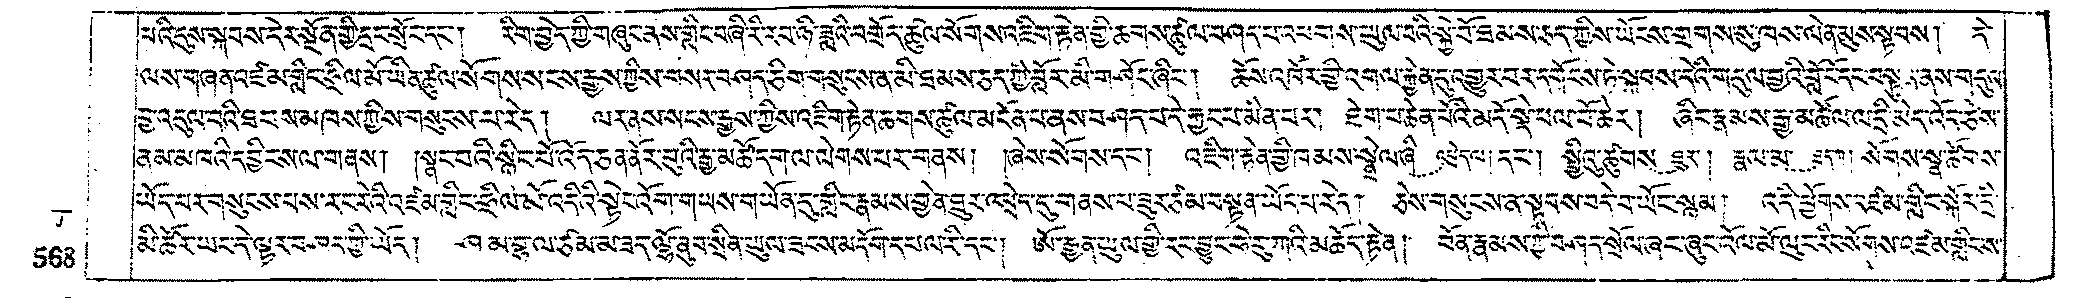པའི་དུས་སྐབས་དེར་སྔོན་གྱི་དྲང་སྲོང་དང་། རིག་བྱེད་ཀྱི་གཞུང་ནས་གླིང་བཞི་རི་རབ་ཉི་ཟླའི་བགྲོད་ཚུལ་སོགས་འཇིག་རྟེན་གྱི་ཆགས་ཚུལ་བཤད་པ་འཕགས་ཡུལ་བའི་སྐྱེ་བོ་ཐམས་ཅད་ཀྱིས་ཡོངས་གྲགས་སུ་ཁས་ལེན་མུས་སྟབས། དེ་
ལས་གཞན་འཛམ་གླིང་ཧྲིལ་མོ་ཡིན་ཚུལ་སོགས་སངས་རྒྱས་ཀྱིས་གསར་བཤད་ཅིག་གསུངས་ན་མི་ཐམས་ཅད་ཀྱི་བློར་མི་གཤོང་ཞིང་། ཆོས་འཁོར་གྱི་འགལ་རྐྱེན་དུ་འགྱུར་བར་དགོངས་ཏེ་སྐབས་དེའི་གདུལ་བྱའི་བློ་ངོ་དང་བསྟུན་ནས་གདུལ་
བྱ་འདུལ་བའི་ཐབས་མཁས་ཀྱིས་གསུངས་པ་རེད། ལར་ནས་སངས་རྒྱས་ཀྱིས་འཇིག་རྟེན་ཆགས་ཚུལ་མངོན་པ་ནས་བཤད་པ་དེ་རྐྱང་པ་མིན་པར། ཐེག་པ་ཆེན་པོའི་མདོ་སྡེ་ཕལ་པོ་ཆེར། ཞིང་རྣམས་རྒྱ་མཚོ་ལ་ལ་དྲི་མེད་འོད་ཅེས་
ནམ་མཁའི་དབྱིངས་ལ་གནས། །སྣང་བའི་སྙིང་པོ་འོད་ཅན་ནོར་བུའི་རྒྱ་མཚོ་དག་ལ་ལེགས་པར་གནས། །ཞེས་སོགས་དང་། འཇིག་རྟེན་གྱི་ཁམས་སྣྲེལ་ཞི་འཕྲེད་ལ།  དང་། སྤྱིའུ་ཚུགས་ཐུར།  རྣལ་མ་ཐད་ཀ།  སོགས་སྣ་ཚོགས་
ཡོད་པར་གསུངས་པས་རང་རེའི་འཛམ་གླིང་ཧྲིལ་མོ་འདིའི་སྟེང་འོག་གཡས་གཡོན་དུ་གླིང་རྣམས་གྱེན་ཐུར་འཕྲེད་དུ་གནས་པ་ཟུར་ཙམ་བསྟན་ཡོད་པ་རེད། ཅེས་གསུངས་ན་སྟབས་བདེ་བ་ཡོང་སྙམ། འདི་ཕྱོགས་འཛམ་གླིང་སྐོར་དྲི་
མི་ཚོར་ཡང་དེ་ལྟར་བཤད་ཀྱི་ཡོད། ཤམ་བྷ་ལ་ཙམ་མ་ཟད་ལྷོ་ནུབ་སྲིན་ཡུལ་ཟངས་མདོག་དཔལ་རི་དང་། ཨོ་རྒྱན་ཡུལ་གྱི་རང་བྱུང་ཧེ་རུ་ཀའི་མཆོད་རྟེན། བོན་རྣམས་ཀྱི་བཤད་སྲོལ་ཞང་ཞུང་འོལ་མོ་ལུང་རིང་སོགས་འཛམ་གླིང་ས་